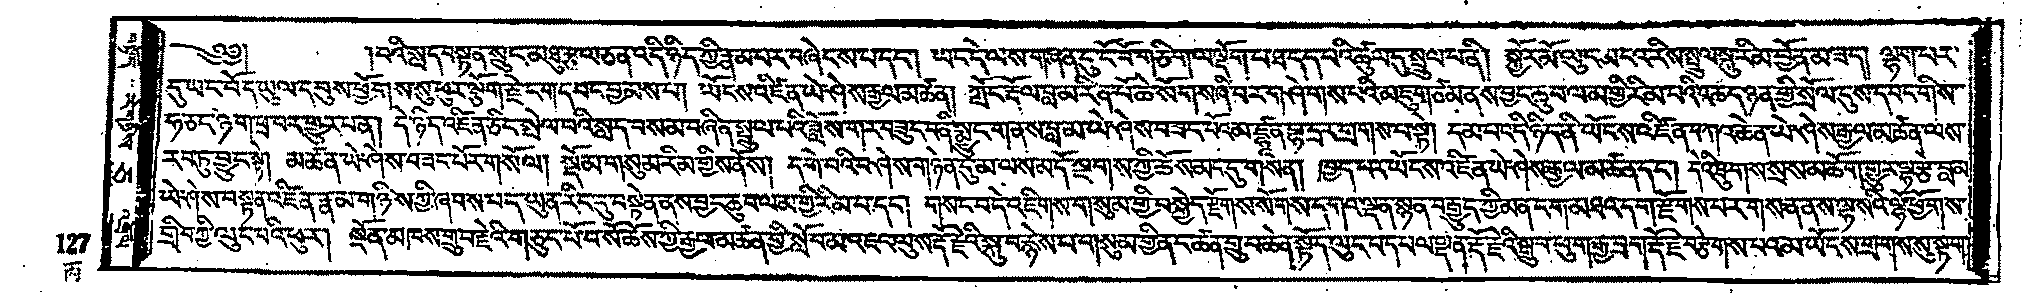༄༅། །བའི་སླད་བསྟན་སྲུང་མཐུ་རྩལ་ཅན་འདི་ཉིད་ཀྱི་རྣམ་པར་བཞེངས་པ་དང་། ཡང་དེ་ལས་གཞན་དུ་ངོ་བོ་གཅིག་ལ་ལྡོག་པ་ཐ་དད་པའི་ཚུལ་དུ་སྤྲུལ་པ་ནི། སྐྱོར་མོ་ལུང་མངའ་རིས་སྤྲུལ་སྐུ་རིམ་བྱོན་མ་ཟད། ལྷག་པར་
དུ་ཡང་བོད་ཡུལ་དབུས་ཕྱོགས་སུ་ཕུར་ལྕོག་རྗེ་ངག་དབང་བྱམས་པ། ཡོངས་འཛིན་ཡེ་ཤེས་རྒྱལ་མཚན། ཀློང་རྡོལ་བླ་མ་རིན་པོ་ཆེ་སོགས་ཞི་བར་གཤེགས་པའི་མཇུག་ཙམ་ནས་བྱང་ཆུབ་ལམ་གྱི་རིམ་པའི་འཆད་ཉན་གྱི་སྲོལ་དུས་དབང་གིས་
ཧ་ཅང་ཉག་ཕྲ་བར་གྱུར་པ་ན། དེ་ཉིད་འཛིན་ཅིང་སྤེལ་བའི་སླད་བསམ་བཞིན་སྤྲུལ་པའི་ཟློས་གར་བཟུང་བ་ནི་སྨྱུང་གནས་བླ་མ་ཡེ་ཤེས་བཟང་པོའམ་ཛྙཱ་ན་བྷ་དྲར་གྲགས་པ་སྟེ། དམ་པ་འདི་ཉིད་ནི་ཡོངས་འཛིན་བཀའ་ཆེན་ཡེ་ཤེས་རྒྱལ་མཚན་ལས་
རབ་ཏུ་བྱུང་སྟེ། མཚན་ཡེ་ཤེས་བཟང་པོར་གསོལ། སྡོམ་གསུམ་རིམ་གྱིས་ནོས། དགེ་བའི་བཤེས་གཉེན་དུ་མ་ལས་མདོ་སྔགས་ཀྱི་ཆོས་མང་དུ་གསན། ཁྱད་པར་ཡོངས་འཛིན་ཡེ་ཤེས་རྒྱལ་མཚན་དང་། དེའི་ཐུགས་སྲས་མཆོག་གྱུར་ལྷ་རྩེ་བླ་མ་
ཡེ་ཤེས་བསྟན་འཛིན་རྣམ་གཉིས་ཀྱི་ཞབས་པད་ཡུན་རིང་དུ་བསྟེན་ནས་བྱང་ཆུབ་ལམ་གྱི་རིམ་པ་དང་། གསང་བདེ་འཇིགས་གསུམ་གྱི་བསྐྱེད་རྫོགས་སོགས་དགའ་ལྡན་སྙན་བརྒྱུད་ཀྱི་མན་ངག་མཐའ་དག་རྫོགས་པར་གསན་ནས་ལྷ་སའི་ལྷོ་ཕྱོགས་
གྲིབ་ཀྱི་ལུང་པའི་ཕུར། སྔོན་མཁས་གྲུབ་རྗེའི་གཅུང་པོ་བ་སོ་ཆོས་ཀྱི་རྒྱལ་མཚན་གྱི་སློབ་མ་འཇའ་ལུས་རྡོ་རྗེའི་སྐུ་བརྙེས་པ་གསུམ་གྱི་ནང་ཚན་གྲུབ་ཆེན་སྟོད་ལུང་པ་དཔལ་ལྡན་རྡོ་རྗེའི་སྒྲུབ་ཕུག་རྒྱ་བྲག་རྡོ་རྗེ་བརྩེགས་པའམ་ཡོངས་གྲགས་སུ་སྟག་